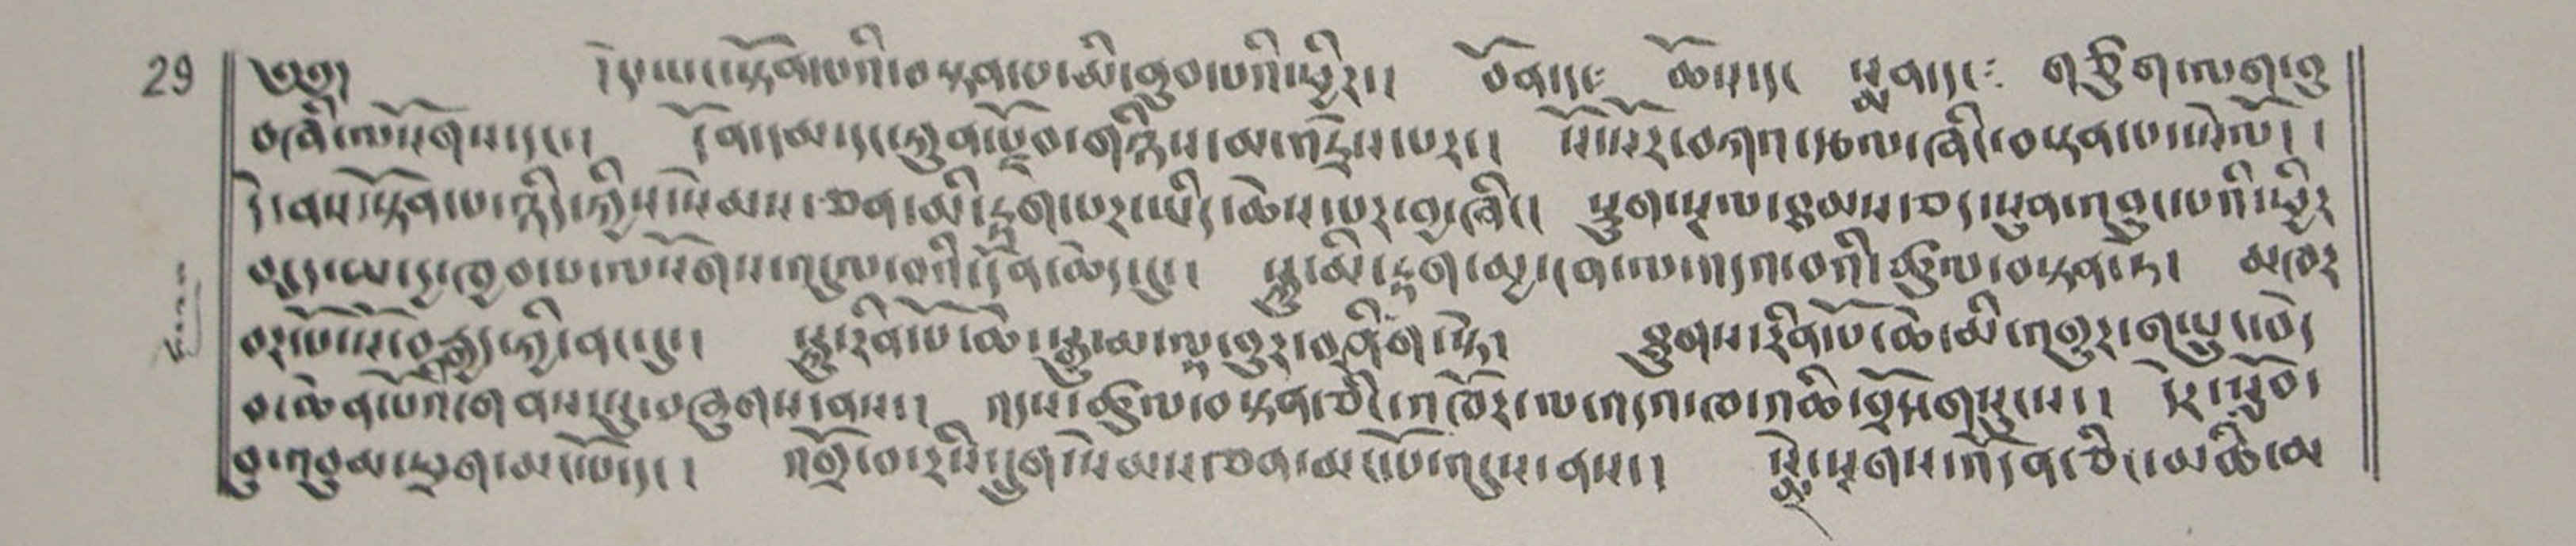༄༅། །དེ་ཡང་སྟོན་པའི་བསྟན་པ་མི་ནུབ་པའི་ཕྱིར། བོན་དང༴ ཆོས་དང སྨན་དང༴ གཙུག་ལག་བུ་
བཞི་ལས་སོགས་དང་། དོན་དམ་དང་ཀུན་རྫོབ་གཉིས་ལ་མ་འདྲེས་པར། སོ་སོར་བཀའ་སྩལ་ཞིང་བསྟན་པ་སྤེལ་ལོ། །
དེ་ནས་སྟོན་པ་ཉིད་ཀྱིས་སེམས་ཅན་མི་རྟག་པར་ཡིད་ཆེས་པར་བྱ་ཞིང་། སྡུག་བསྔལ་ཐམས་ཅད་སུན་དབྱུང་བའི་ཕྱིར། 
བདུད་ཡ་རྒྱ་ཁྱབ་པ་ལས་སོགས་འདུལ་བའི་དོན་ཆེད་དུ། སྐུ་མི་རྟག་མྱ་ངན་ལ་འདའ་བའི་ཚུལ་བསྟན་ཏེ། མཁར་
བར་བོ་སོ་བརྒྱད་ཀྱི་ནང་དུ། སྐུ་རིན་པོ་ཆེ་སྒྱུ་མ་ལྟ་བུར་བཤིག་སྟེ། ཐུགས་རིན་པོ་ཆེ་མི་འགྱུར་གཡུང་དྲུང་བདེ་
བ་ཆེན་པོའི་གནས་སུ་བཞུགས་ནས། འདས་ཚུལ་བསྟན་ཅིང་འཁོར་རྣམས་ལ་འདའ་ཁའི་འཆི་བྲོད་གསུངས་སོ། །དེར་སློབ་
བུ་འབུམ་ཕྲག་མང་པོ་དང་། འགྲོ་བ་རིས་དྲུག་སེམས་ཅན་མང་པོ་འདུས་ནས། སྨེ་སྔགས་འདོན་ཅིང་མཆི་མ་